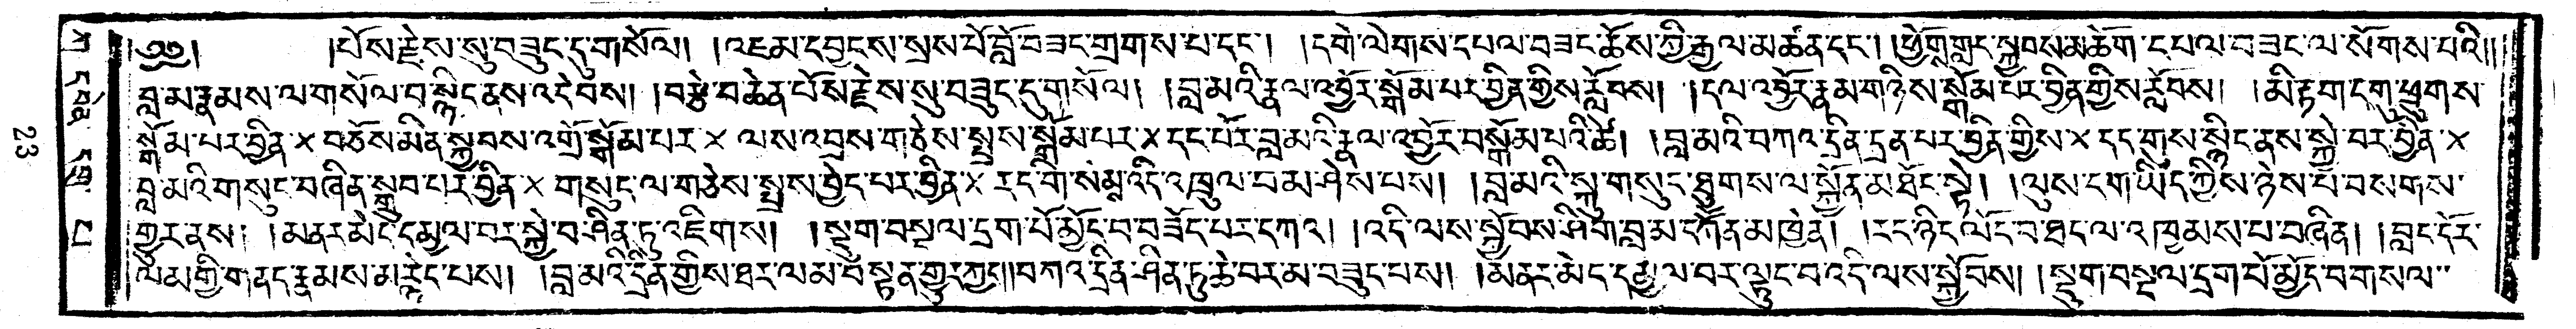༄༅། །པོས་རྗེས་སུ་བཟུང་དུ་གསོལ། །འཇམ་དབྱངས་སྲས་པོ་བློ་བཟང་གྲགས་པ་དང་། །དགེ་ལེགས་དཔལ་བཟང་ཆོས་ཀྱི་རྒྱལ་མཚན་དང་། །ཕྱོགས་གླང་སྐྱབས་མཆོག་དཔལ་བཟང་ལ་སོགས་པའི།།
བླ་མ་རྣམས་ལ་གསོལ་བ་སྙིང་ནས་འདེབས། །བརྩེ་བ་ཆེན་པོས་རྗེས་སུ་བཟུང་དུ་གསོལ། །བླ་མའི་རྣལ་འབྱོར་སྒོམ་པར་བྱིན་གྱིས་རློབས། །དལ་འབྱོར་རྣམ་གཉིས་སྒོམ་པར་བྱིན་གྱིས་རློབས། །མི་རྟག་དགུ་ཕྲུགས་
སྒོམ་པར་བྱིན་྾་བཅོས་མིན་སྐྱབས་འགྲོ་སྒོམ་པར་྾་ལས་འབྲས་གཅེས་སྤྲས་སྒོམ་པར་྾་དང་པོར་བླ་མའི་རྣལ་འབྱོར་བསྒོམ་པའི་ཚེ། །བླ་མའི་བཀའ་དྲིན་དྲན་པར་བྱིན་གྱིས་྾་དད་གུས་སྙིང་ནས་སྐྱེ་བར་བྱིན་྾་
བླ་མའི་གསུང་བཞིན་སྒྲུབ་པར་བྱིན་྾་གསུང་ལ་གཅེས་སྤྲས་བྱེད་པར་བྱིན་྾་རང་གི་སེམས་འདི་འཁྲུལ་བ་མ་ཤེས་པས། །བླ་མའི་སྐུ་གསུང་ཐུགས་ལ་སྐྱོན་མཐོང་སྟེ། །ལུས་ངག་ཡིད་ཀྱིས་ཉེས་པ་བསགས་
གྱུར་ནས། །མནར་མེད་དམྱལ་བར་སྐྱེ་བ་ཤིན་ཏུ་འཇིགས། །སྡུག་བསྔལ་དྲག་པོ་མྱོང་བ་བཟོད་པར་དཀའ། །འདི་ལས་སྐྱོབས་ཤིག་བླ་མ་དཀོན་མཁྱེན། །རང་ཉིད་ལོང་བ་ཐད་ལ་འཁྱམས་པ་བཞིན། །བླང་དོར་
ལམ་གྱི་གནད་རྣམས་མ་རྙེད་པས། །བླ་མའི་དྲིན་གྱིས་ཐར་ལམ་བསྟན་གྱུར་ཀྱང་། །བཀའ་དྲིན་ཤིན་ཏུ་ཆེ་བར་མ་བཟུང་པས། །མནར་མེད་དམྱལ་བར་ལྟུང་བ་འདི་ལས་སྐྱོབས། །སྡུག་བསྔལ་དྲག་པོ་མྱོང་བ་གསལ་